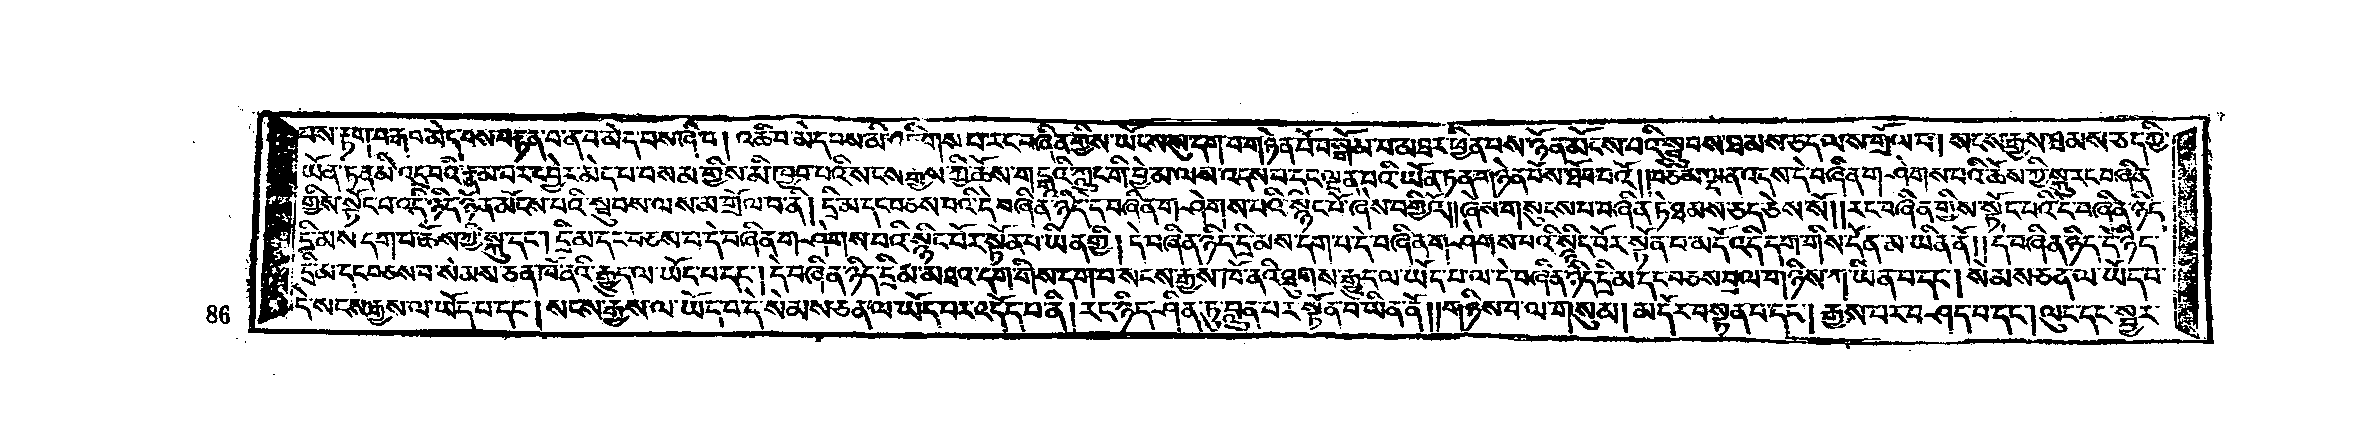པས་རྟག་པ་རྒ་བ་མེད་པས་བརྟན་པ་ན་བ་མེད་པས་ཞི་བ། འཆི་བ་མེད་པས་མི་འཇིགས་པ་རང་བཞིན་གྱིས་ཡོངས་སུ་དག་པ་གཉེན་པོ་བསྒོམ་པ་མཐར་ཕྱིན་པས་ཉོན་མོངས་པའི་སྦུབས་ཐམས་ཅད་ལས་གྲོལ་བ། སངས་རྒྱས་ཐམས་ཅད་ཀྱི་
ཡོན་ཏན་མི་འདྲ་བའི་རྣམ་པར་དབྱེར་མེད་པ་བསམ་གྱིས་མི་ཁྱབ་པའི་སངས་རྒྱས་ཀྱི་ཆོས་གངགཱའི་ཀླུང་གི་བྱེ་མ་ལས་འདས་པ་དང་ལྡན་པའི་ཡོན་ཏན་གཉེན་པོས་ཐོབ་པའོ། །བཅོམ་ལྡན་འདས་དེ་བཞིན་གཤེགས་པའི་ཆོས་ཀྱི་སྐུ་རང་བཞིན་
གྱིས་སྟོང་པ་འདི་ཉིད་ཉོན་མོངས་པའི་སྦུབས་ལས་མ་གྲོལ་བ་ནི། དྲི་མ་དང་བཅས་པའི་དེ་བཞིན་ཉིད་དེ་བཞིན་གཤེགས་པའི་སྙིང་པོ་ཞེས་བགྱིའོ། །ཞེས་གསུངས་པ་བཞིན་ཏེ་ཐམས་ཅད་ཅེས་སོ། །རང་བཞིན་གྱིས་སྟོང་པའི་དེ་བཞིན་ཉིད་
དྲི་མས་དག་པ་ཆོས་ཀྱི་སྐུ་དང་། དྲི་མ་དང་བཅས་པ་དེ་བཞིན་གཤེགས་པའི་སྙིང་པོར་སྟོན་པ་ཡིན་གྱི། དེ་བཞིན་ཉིད་དྲི་མས་དག་པ་དེ་བཞིན་གཤེགས་པའི་སྙིང་པོར་སྟོན་པ་མདོ་འདི་དག་གིས་དོན་མ་ཡིན་ནོ། །དེ་བཞིན་ཉིད་དེ་ཉིད་
དྲི་མ་དང་བཅས་པ་སེམས་ཅན་ཁོ་ནའི་རྒྱུད་ལ་ཡོད་པ་དང་། དེ་བཞིན་ཉིད་དྲི་མ་མཐའ་དག་གིས་དག་པ་སངས་རྒྱས་ཁོ་ནའི་ཐུགས་རྒྱུད་ལ་ཡོད་པ་ལ་དེ་བཞིན་ཉིད་དྲི་མ་དང་བཅས་བྲལ་གཉིས་ཀ་ཡིན་པ་དང་། སེམས་ཅན་ལ་ཡོད་པ་
དེ་སངས་རྒྱས་ལ་ཡོད་པ་དང་། སངས་རྒྱས་ལ་ཡོད་པ་དེ་སེམས་ཅན་ལ་ཡོད་པར་འདོད་པ་ནི། རང་ཉིད་ཤིན་ཏུ་བླུན་པར་སྟོན་པ་ཡིན་ནོ། །གཉིས་པ་ལ་གསུམ། མདོར་བསྟན་པ་དང་། རྒྱས་པར་བཤད་པ་དང་། ལུང་དང་སྦྱར་